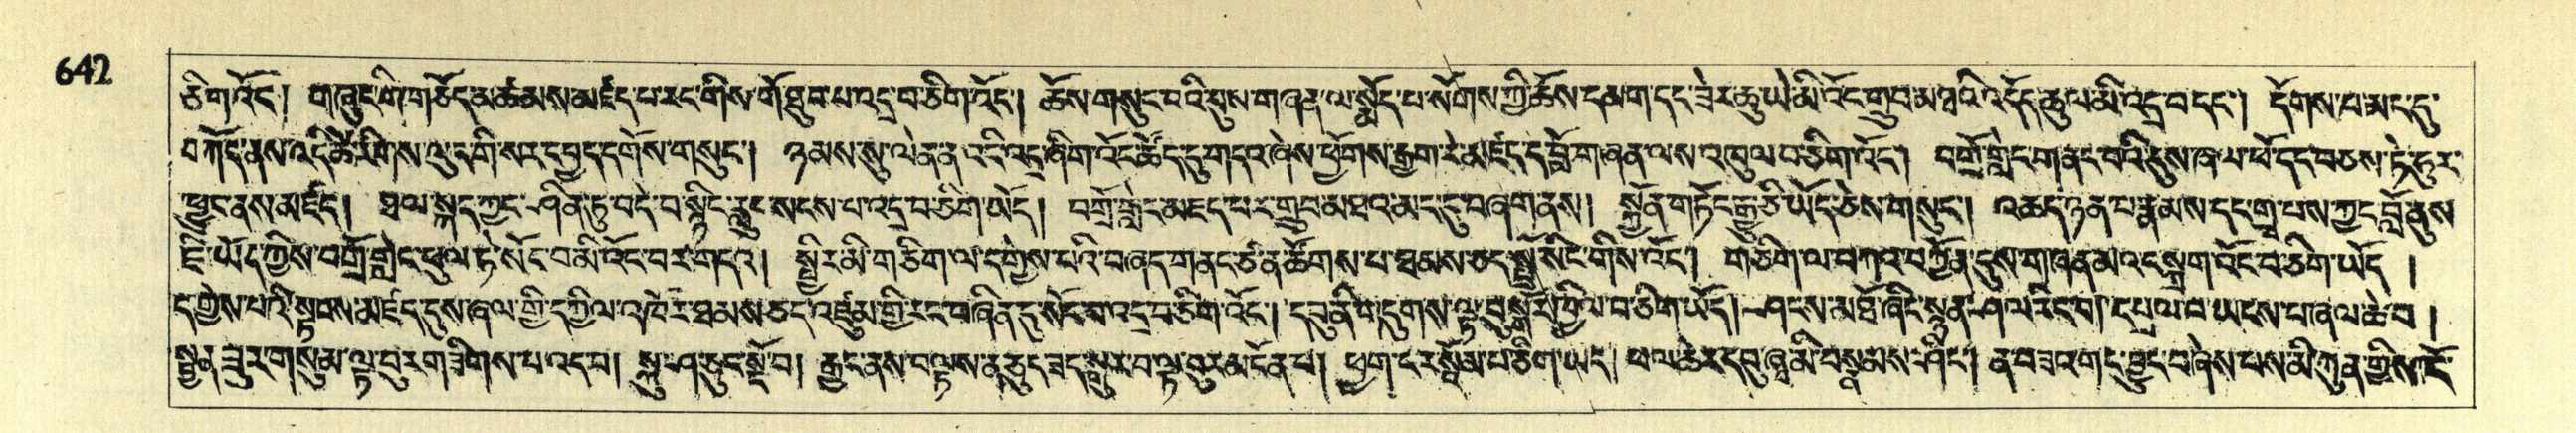ཅིག་འོང་། གཞུང་གི་གཅོད་མཚམས་མཛད་པ་རང་གིས་གོ་ཐུབ་པ་འདྲ་བ་ཅིག་འོང་། ཆོས་གསུང་བའི་བུས་གཞན་ལ་སྨོད་པ་སོགས་ཀྱི་ཆོས་དམག་དང་ཟེར་ཆུ་ཡེ་མི་འོང་གྲུབ་མཐའི་འདོད་ཆུལ་མི་འདྲ་བ་དང་། དོགས་པ་མང་དུ་
བཀོད་ནས་འདི་ཚེ་རིགས་ལུང་གི་སར་དཔྱད་དགོས་གསུང་། ཉམས་སུ་ལེན་ན་འདི་འདྲ་ཞིག་འོང་ཚོད་དུ་གདའ་ཞེས་ཕྱོགས་རྒྱག་རེ་མཛད་ད་བློ་གཞན་ལས་འཁུལ་བ་ཅིག་འོང་། བགྲོ་གླེང་གནང་བའི་དུས་ཞལ་ཕོ་དང་བཅས་ཏེ་ཧུར་
ཕྱུང་ནས་མཛད། ཐལ་སྐད་ཀྱང་ཤིན་ཏུ་བདེ་བ་སྙིང་རླུང་སངས་པ་འདྲ་བ་ཅིག་ཡོད། བགྲོ་གླེང་མཛད་པར་གྲུབ་མཐའ་མང་དུ་བཞག་ནས། སྐྱོན་གཏོང་རྒྱུ་ཅི་ཡོད་ཅེས་གསུང་། འཆད་ཉན་པ་རྣམས་དང་གྲྭ་པས་ཀྱང་བློ་ནུས་
ཇི་ཡོད་ཀྱིས་བགྲོ་གླེང་ཕུལ་ཏེ་སོང་བ་མི་འོང་བར་གདའ། སྤྱིར་མི་གཅིག་ལ་དགྱེས་པའི་བཞད་གནང་ཙ་ན་ཚོགས་པ་ཐམས་ཅད་སྤྲོ་སིང་གིས་འོང་། གཅིག་ལ་བཀའ་བཀྱོན་དུས་གཞན་མའང་སྐྲག་འོང་བ་ཅིག་ཡོད་།
དགྱེས་པའི་སྟབས་མཛད་དུས་ཞལ་གྱི་དཀྱིལ་འཁོར་ཐམས་ཅད་འཛུམ་གྱི་རང་བཞིན་དུ་སོང་བ་འདྲ་བ་ཅིག་འོང་། དབུ་ནི་གདུགས་ལྟ་བུ་སྒོར་ཁྱིལ་བ་ཅིག་ཡོད། ཤངས་མཐོ་ཞིང་སྙན་ཤལ་རིང་བ། དཔྲལ་བ་ཡངས་པ་ཞལ་ཆེ་བ།
སྤྱན་ཟུར་གསུམ་ལྟ་བུར་གཟིགས་པ་འདབ། སྐུ་ཤ་ཅུང་སྔོ་བ། རྒྱང་ནས་བལྟས་ན་ཅུང་ཟད་སྒུར་བ་ལྟ་བུར་མངོན་པ། ཕྱག་ངར་སྦོམ་པ་ཅིག་ཡང་། ཕལ་ཆེར་དབུ་ཞྭ་མི་བསྣམས་ཤིང་། ན་བཟའ་གང་བྱུང་བཞེས་པས་མི་ཀུན་གྱིས་ངོ་